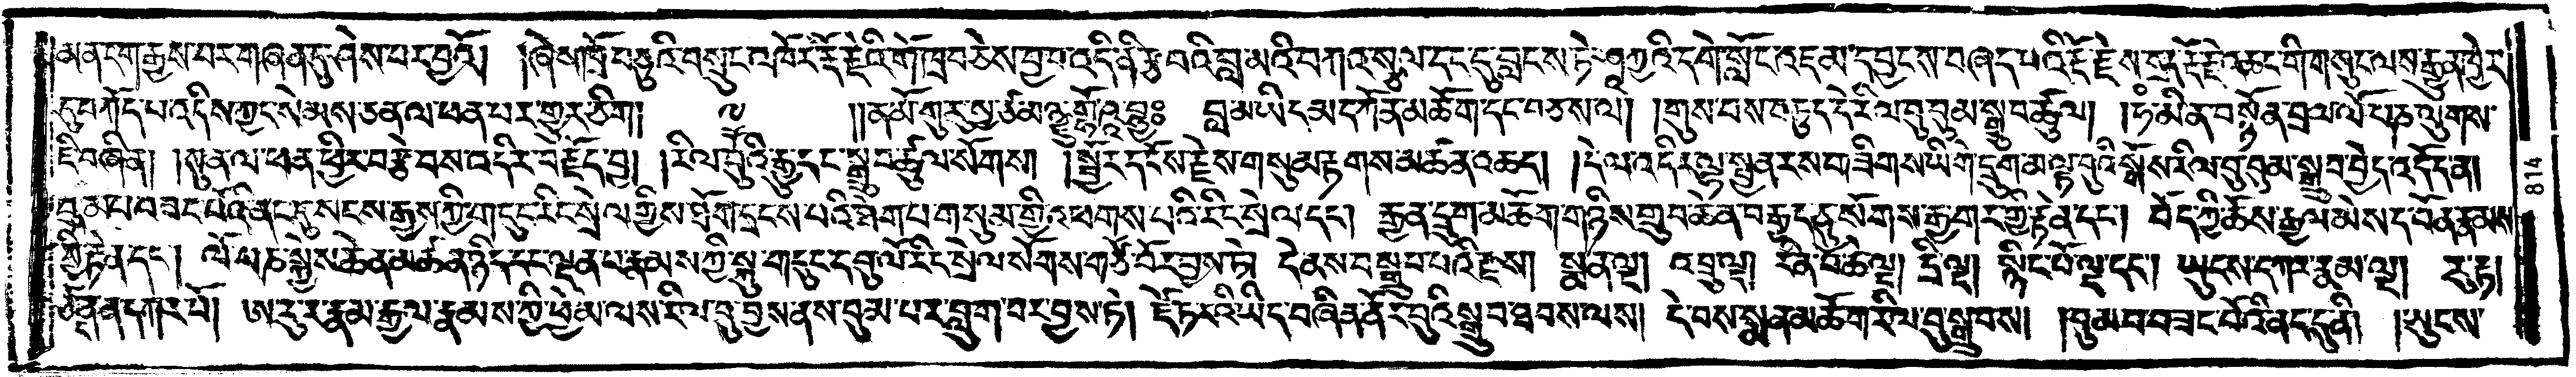མན་ངག་རྒྱས་པར་གཞན་དུ་ཤེས་པར་བྱའོ། །ཞེས་ཁྲོ་བཅུའི་བསྲུང་འཁོར་རྡོ་རྗེའི་གོ་ཁྲབ་ཅེས་བྱ་བ་འདི་ནི་རྩ་བའི་བླ་མའི་བཀའ་སྩལ་དང་དུ་བླངས་ཏེ་ཤཱཀྱའི་དགེ་སློང་འཇམ་དབྱངས་བཞད་པའི་རྡོ་རྗེས་སྲ་རྡོ་རྗེ་འཆང་གི་གསུང་ལས་རྒྱུན་ཁྱེར་
དུ་བཀོད་པ་འདིས་ཀྱང་སེམས་ཅན་ལ་ཕན་པར་གྱུར་ཅིག། ༈ །།ན་མོ་གུ་རུ་སྱ་ཙ་མཉྫུ་གྷོ་ཥཱ་བྷྱཿ བླ་མ་ཡི་དམ་དཀོན་མཆོག་དང་བཅས་ལ། །གུས་པས་བཏུད་དེ་རིལ་བུ་བུམ་སྒྲུབ་ཚུལ། །ཧཾ་མིན་བསྙོན་བྲལ་ལོ་པཎ་ལུགས་
ཇི་བཞིན། །ཀུན་ལ་ཕན་ཕྱིར་བརྩེ་བས་འདིར་བརྗོད་བྱ། །རིལ་བུའི་རྒྱུ་དང་སྒྲུབ་ཚུལ་སོགས། །སྦྱོར་དངོས་རྗེས་གསུམ་རྟགས་མཚན་འཆད། །དེ་ལ་འདིར་ལྷ་སྤྱན་རས་གཟིགས་ཡི་གེ་དྲུག་མ་ལྟ་བུའི་སྒོས་རིལ་བུ་བུམ་སྒྲུབ་བྱེད་འདོད་ན།
བུམ་པ་བཟང་པོའི་ནང་དུ་སངས་རྒྱས་ཀྱི་གདུང་རིང་སྲེལ་གྱིས་ཐོག་དྲངས་པའི་ཐེག་པ་གསུམ་གྱི་འཕགས་པའི་རིང་སྲེལ་དང་། རྒྱན་དྲུག་མཆོག་གཉིས་གྲུབ་ཆེན་བརྒྱད་ཅུ་སོགས་རྒྱ་གར་གྱི་རྟེན་དང་། བོད་ཀྱི་ཆོས་རྒྱལ་ཡེས་དབོན་རྣམས་
ཀྱི་རྟེན་དང་། ལོ་པཎ་སྐྱེས་ཆེན་མཚན་ཉིད་དང་ལྡན་པ་རྣམས་ཀྱི་སྐུ་གདུང་དབུ་ལོ་རིང་སྲེལ་སོགས་གཙོ་བོར་བྱས་ཏེ། དེ་ནས་བསྒྲུབ་པའི་རྫས། སྣར་ལྔ། འབྲུ་ལྔ། རིན་པོ་ཆེ་ལྔ། དྲི་ལྔ། སྙིང་པོ་ལྔ་དང་། ཡུངས་དཀར་རྣམ་ལྔ། རུ་རྟ།
ཙནྡ་ན་དཀར་པོ། ཨ་རུར་རྣམ་རྒྱས་རྣམས་ཀྱི་ཕྱེ་པ་ལས་རིམ་བུ་བྱས་ནས་བུམ་པར་བླུག་པར་བྱས་ཏེ། ཛེ་ཏ་རེའི་ཡིད་བཞིན་ནོར་བུའི་སྒྲུབ་ཐབས་ལས། དེ་བས་སྨན་མཆོག་རིལ་བུ་སྒྲུབས། །བུམ་པ་བཟང་པོའི་ནད་དུ་ནི། །ཡུངས་